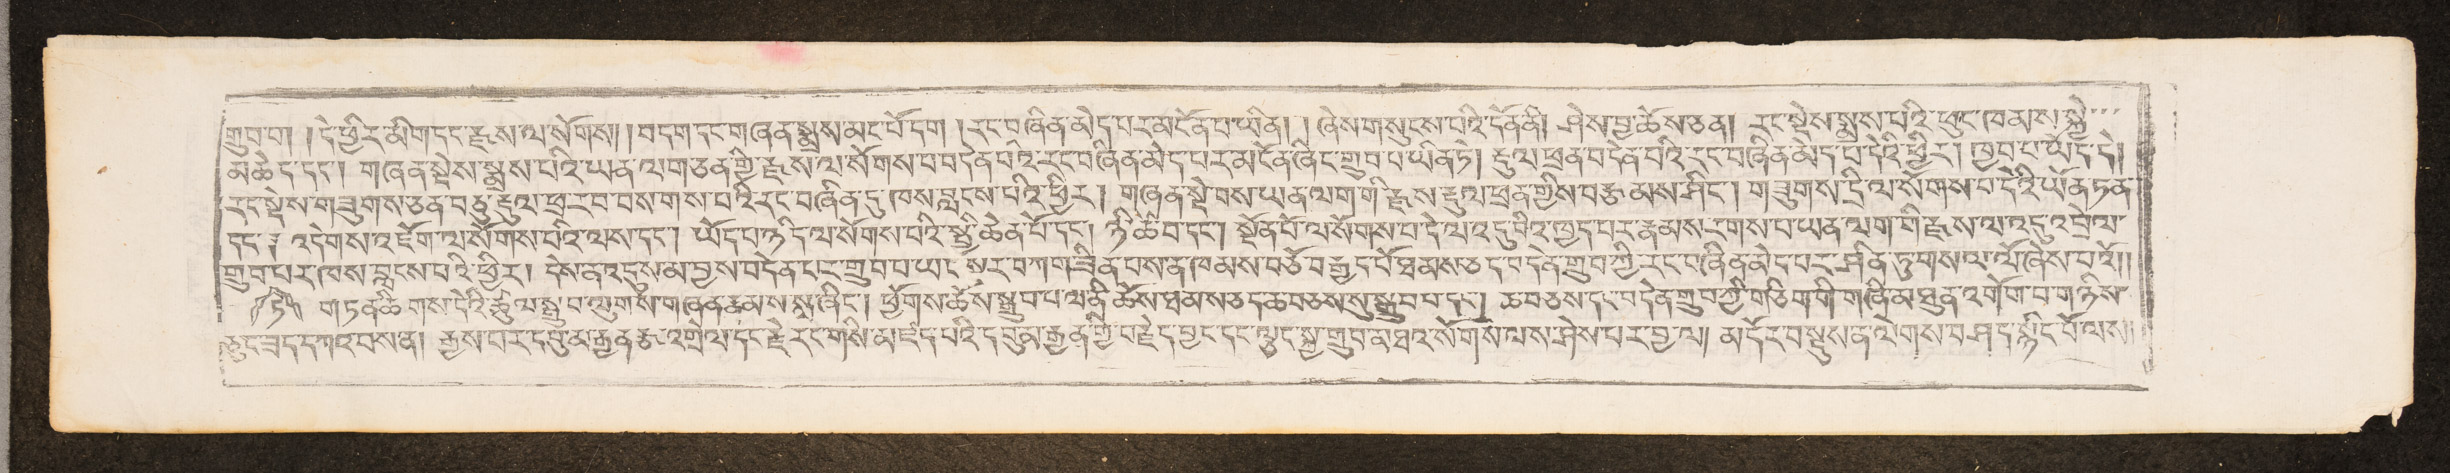གྲུབ་པ། །དེ་ཕྱིར་མིག་དང་རྫས་ལ་སོགས། །བདག་དང་གཞན་སྨྲས་མང་པོ་དག །རང་བཞིན་མེད་པར་མངོན་པ་ཡིན། །ཞེས་གསུངས་པའི་དོན་ནི། ཤེས་བྱ་ཆོས་ཅན། རང་སྡེས་སྨྲས་པའི་ཕུང་ཁམས་སྐྱེ་
མཆེད་དང་། གཞན་སྡེས་སྨྲས་པའི་ཡན་ལག་ཅན་གྱི་རྫས་ལ་སོགས་པ་བདེན་པའི་རང་བཞིན་མེད་པར་མངོན་ཞིང་གྲུབ་པ་ཡིན་ཏེ། རྡུལ་ཕྲན་བདེན་པའི་རང་བཞིན་མེད་པ་དེའི་ཕྱིར། ཁྱབ་པ་ཡོད་དེ།
རང་སྡེས་གཟུགས་ཅན་བཅུ་རྡུལ་ཕྲ་རབ་བསགས་པའི་རང་བཞིན་དུ་ཁས་བླངས་པའི་ཕྱིར། གཞན་སྡེ་བས་ཡན་ལག་གི་རྫས་རྡུལ་ཕྲན་གྱིས་བརྩམས་ཤིང་། གཟུགས་དྲི་ལ་སོགས་པ་དེའི་ཡོན་ཏན་
དང༑ འདེགས་འཇོག་ལ་སོགས་པའི་ལས་དང་། ཡོད་པ་ཉིད་ལ་སོགས་པའི་སྤྱི་ཆེན་པོ་དང་། ཉི་ཚེ་བ་དང་། སྔོན་པོ་ལ་སོགས་པ་དེ་ལ་འདུ་པའི་ཁྱད་པར་རྣམས་རགས་པ་ཡན་ལག་གི་རྫས་ལ་འདུ་འབྲེལ་
གྲུབ་པར་ཁས་བླངས་པའི་ཕྱིར། དེས་ན་འདུས་མ་བྱས་བདེན་པར་གྲུབ་པ་ཡང་སྔར་བཀག་ཟིན་པས་ན་ཁམས་བཅོ་བརྒྱད་པོ་ཐམས་ཅད་བདེན་གྲུབ་ཀྱི་རང་བཞིན་མེད་པར་ཤིན་ཏུ་གསལ་ལོ་ཞེས་པའོ།།
༼༽ཏ༼༽ གཏན་ཚིགས་དེའི་ཚུལ་སྒྲུབ་ལུགས་གཞན་རྣམས་སླ་ཞིང་། ཕྱོགས་ཆོས་སྒྲུབ་པ་ལ་ནི་ཆོས་ཐམས་ཅད་ཆ་བཅས་སུ་སྒྲུབ་པ་དང་། ཆ་བཅས་དང་བདེན་གྲུབ་ཀྱི་གཅིག་གི་གཞི་མཐུན་འགོག་པ་གཉིས་
ཅུང་ཟད་དཀའ་བས་ན། རྒྱས་པར་དབུ་མ་རྒྱན་རྩ་འགྲེལ་དང་རྗེ་རང་གིས་མཛད་པའི་དབུ་མ་རྒྱན་གྱི་བརྗེད་བྱང་དང་ལྕང་སྐྱ་གྲུབ་མཐའ་སོགས་ལས་ཤེས་པར་བྱ་ལ། མདོར་བསྡུས་ན་ལེགས་བཤད་སྙིང་པོ་ལས།